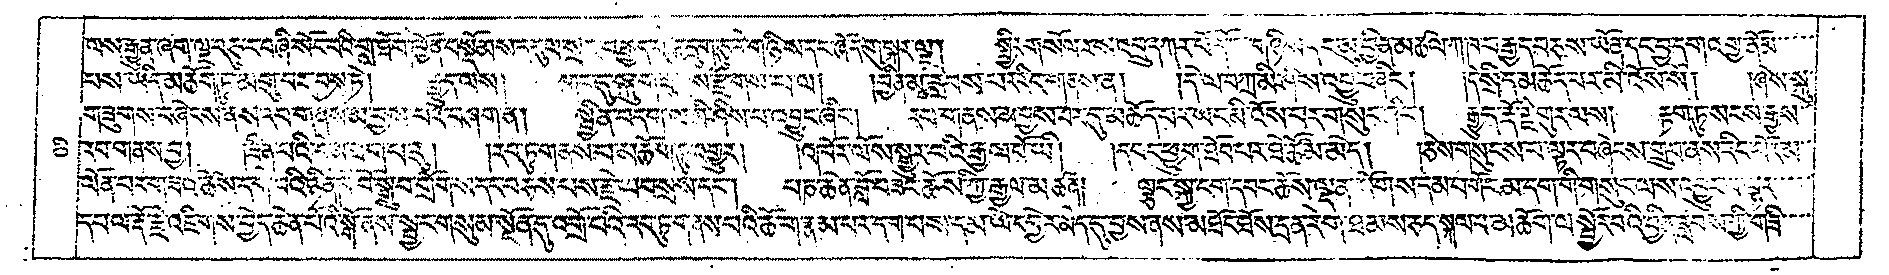ལས་རྒྱུན་ཞག་ལྔ་བཅུ་ང་བཞི་སོང་བའི་གླ་ཐོབ་ཁྱོན་བསྡོམས་དངུལ་སྲང་བརྒྱད་བརྒྱ་དྲུག་ཅུ་རེ་གཉིས་དང་ཞོ་དགུ་སྐར་ལྔ། སྤྱིར་གསོལ་རས་འབྲུ་དཀར་པོ་དོ་གཉིས་དང་མུ་བྱིན་མཚལ་ཀ་ཁ་བརྒྱད་བཅས་ཡོན་དང་བྱ་དགའ་གྱ་ནོམ་
པས་ཡིད་མཆོག་ཏུ་མགུ་བར་བྱས་ཏེ། རྒྱུད་ལས། གང་དུ་སྐུ་གཟུགས་རྫོགས་པ་ལས། །བྱིན་མཱ་རླབས་པར་རིང་གནས་ན། །དེ་ལ་བཀྲ་མི་ཤིས་འབྱུང་ཞིང་། །དེ་སྲིད་མཆོད་པར་མི་འོས་སོ། །ཞེས་སྐུ་
གཟུགས་བཞེངས་ནས་རབ་གནས་མ་བྱས་པར་བཞག་ན། སྦྱིན་བདག་ལ་མི་ཤིས་པ་འབྱུང་ཞིང་། རབ་གནས་མ་བྱས་པར་དུ་མཆོད་པར་ཡང་མི་འོས་པར་གསུང་ཞིང་། རྒྱུད་རྡོ་རྗེ་གུར་ལས། རྟག་ཏུ་སངས་རྒྱས་
རབ་གནས་བྱ། །ཟིན་པའི་དེ་མ་ཐག་པ་རུ། །རབ་ཏུ་གནས་པ་མཆོག་ཏུ་འགྱུར། །འཁོར་ལོས་སྒྱུར་བའི་རྒྱལ་པོ་ཡི། །དབང་ཕྱུག་ཐོབ་པར་ཐེ་ཚོམ་མེད། །ཅེས་གསུངས་པ་ལྟར་བཞེངས་གྲུབ་ནས་རིང་པོར་མ་
ལོན་པར་གཟའ་ཚེས་དགེ་བའི་ཉིན་ཁོ་བོ་སྒྲུབ་གྲོགས་དང་བཅས་པས་རྗེ་ཡབ་སྲས་དང་། པཎ་ཆེན་བློ་བཟང་ཆོས་ཀྱི་རྒྱལ་མཚན། ལྕང་སྐྱ་ངག་དབང་ཆོས་ལྡན་སོགས་དམ་པ་གོང་མ་དག་གི་གསུང་ལས་འབྱུང་བ་ལྟར་
དཔལ་རྡོ་རྗེ་འཇིགས་བྱེད་ཆེན་པོའི་སྒོ་ནས་སྦྱང་གསུམ་སྔོན་དུ་འགྲོ་བའི་རབ་ཏུ་གནས་པའི་ཆོ་ག་རྣམ་པར་དག་པས་དམ་ཡེ་དབྱེར་མེད་དུ་བྱས་ནས་མཐོང་ཐོས་དྲན་རེག་ཐམས་ཅད་སྐལ་པ་མཆོག་ལ་སྦྱོར་བའི་བྱིན་རླབས་ཀྱི་གཟི་